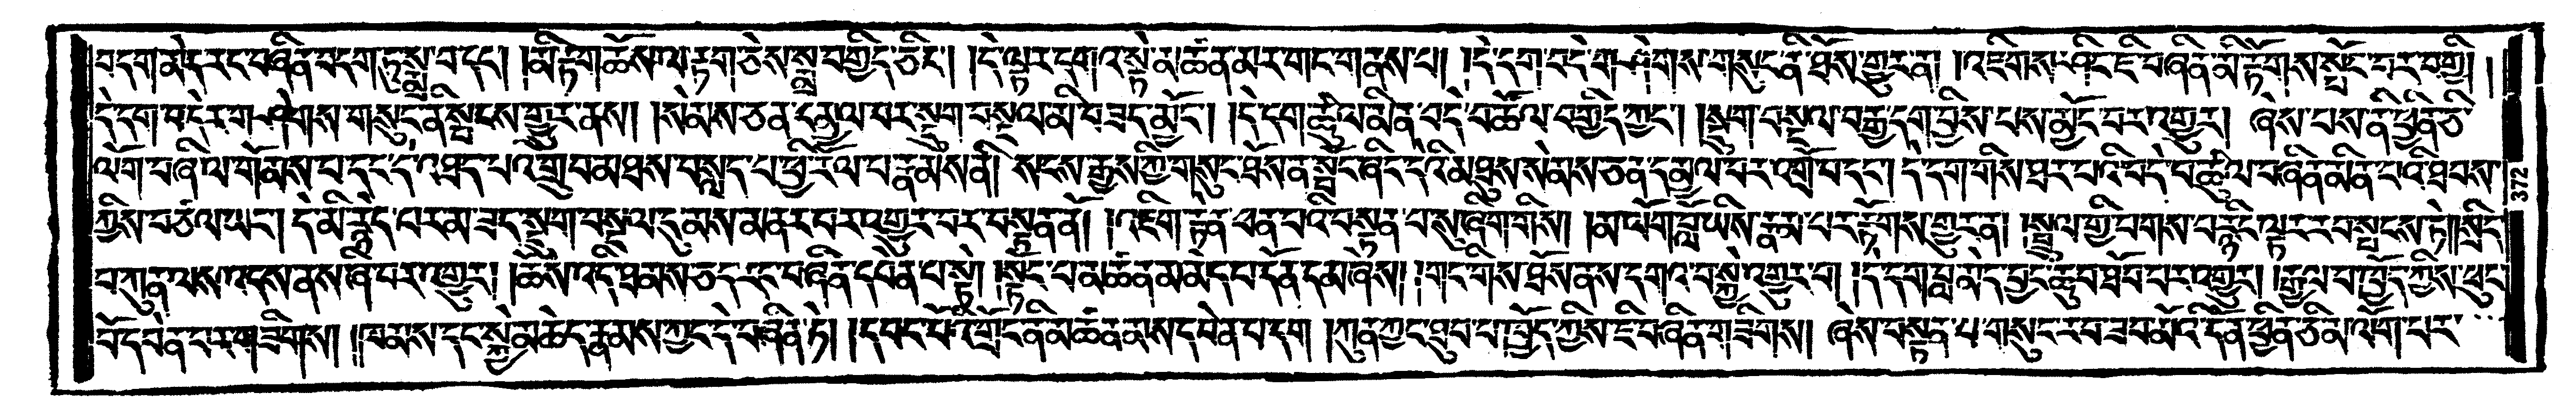བདག་མེད་རང་བཞིན་བདག་ཏུ་སྨྲ་བ་དང་། །མི་རྟག་ཆོས་ལ་རྟག་ཅེས་སྨྲ་བགྱིད་ཅིང་། །དེ་ལྟར་དགའ་སྟེ་མཚན་མར་གང་གནས་པ། །དེ་དག་བདེ་གཤེགས་གསུང་ནི་ཐོས་གྱུར་ན། །འཇིགས་ཤིང་ཇི་བཞིན་མི་རྟོགས་སྤོང་པར་བགྱི།།
དེ་དག་བདེར་གཤེགས་གསུང་ནི་སྤངས་གྱུར་ནས། །སེམས་ཅན་དམྱལ་བར་སྡུག་བསྔལ་མི་བཟད་མྱོང་། །དེ་དག་ཚུལ་མིན་བདེ་བ་ཚོལ་བགྱིད་ཀྱང་། །སྡུག་བསྔལ་བརྒྱ་དག་བྱིས་པས་མྱོང་བར་འགྱུར། ཞེས་པས་ནི་ཕྱིན་ཅི་
ལོག་བཞི་ལ་གོམས་པ་དང་དེ་འཐད་པའི་གྲུབ་མཐས་བསླད་པ་ཕྱི་རོལ་པ་རྣམས་ནི། སངས་རྒྱས་ཀྱི་གསུང་ཐོས་ན་སྤོང་ཞིང་དེའི་མཐུས་སེམས་ཅན་དམྱལ་བར་འགྲོ་བ་དང་། དེ་དག་གིས་ཐར་པའི་བདེ་བ་ཚུལ་བཞིན་མིན་པའི་ཐབས་
ཀྱིས་བཙལ་ཡང་། དེ་མི་རྙེད་པར་མ་ཟད་སྡུག་བསྔལ་དུ་མས་མནར་བར་འགྱུར་བར་བསྟན་ནོ། །འཇིག་རྟེན་ཕན་པའི་བསྟན་པ་སུ་ཞིག་གིས། །མ་ལོག་བློ་ཡིས་རྣམ་པར་རྟོགས་གྱུར་ན། །སྦྲུལ་གྱི་པགས་པ་རྙིང་ལྟར་རབ་སྤངས་ཏེ། །སྲིད་
པ་ཀུན་ལས་འདས་ནས་ཞི་བར་འགྱུར། །ཆོས་འདི་ཐམས་ཅད་རང་བཞིན་དབེན་པ་སྟེ། །སྟོང་པ་མཚན་མ་མེད་པ་དོན་དམ་ཞེས། །གང་གིས་ཐོས་ནས་དགའ་བ་སྐྱེ་འགྱུར་བ། །དེ་དག་བླ་མེད་བྱང་ཆུབ་ཐོབ་པར་འགྱུར། །རྒྱལ་བ་ཁྱོད་ཀྱིས་ཕུང་
པོ་དབེན་པར་གཟིགས། །ཁམས་དང་སྐྱེ་མཆེད་རྣམས་ཀྱང་དེ་བཞིན་ཏེ། །དབང་པོའི་གྲོང་ནི་མཚན་མས་དབེན་པ་དག །ཀུན་ཀྱང་ཐུབ་པ་ཁྱོད་ཀྱིས་ཇི་བཞིན་གཟིགས། ཞེས་བསྟན་པ་གསུང་རབ་ཟབ་མོའི་དོན་ཕྱིན་ཅི་མ་ལོག་པར་